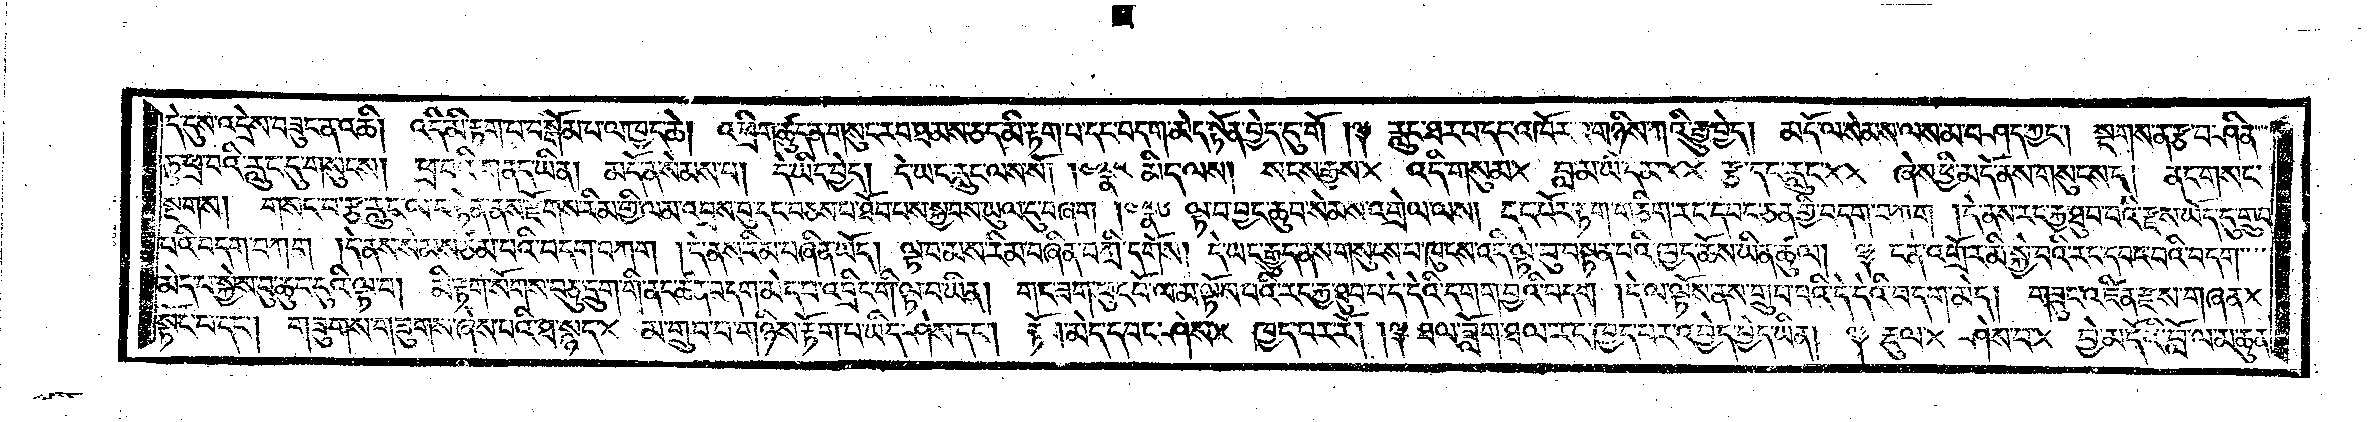དེ་དུས་འདྲེས་བཟུང་ན་འཆི། འདི་མི་རྟག་པ་བསྒོམ་པ་ལ་ཁྱད་ཆེ། འཕྲིག་ཚུད་ན་གསུང་རབ་ཐམས་ཅད་མི་རྟག་པ་དང་བདག་མེད་སྟོན་བྱེད་དུ་གོ ། ༈ རླུང་ཐར་བ་དང་འཁོར་བ་གཉིས་ཀའི་རྒྱུ་བྱེད། མདོ་ལ་སེམས་ལས་མ་བཤད་ཀྱང་། སྔགས་ན་རྩ་བ་ཤིན་
ཏུ་ཕྲ་བའི་རླུང་དུ་གསུངས། ཕྲ་བའི་གནད་ཡིན། མདོ་ན་སེམས་པ། དེ་ཡིད་བྱེད། དེ་ཡང་རླུང་ལས་སོ། །༤༢༥ན་མིད་ལས། སངས་རྒྱས་྾་འདི་གསུམ་྾་བླ་མ་ཡི་དམ་྾྾་རྩ་དང་རླུང་྾྾་ཞེས་ཕྱི་མདོ་ནས་གསུངས་ད། ནང་གསང་
སྔགས། གསང་བ་རྩ་རླུང་ལ་བརྟེན་ནས་རྫོགས་རིམ་གྱི་ལམ་འབྲས་བུ་དང་བཅས་པ་ཐོབ་པས་སྐྱབས་ཡུལ་དུ་བཞག །༤༢༦ན་ལྟ་བ་བྱང་ཆུབ་སེམས་འགྲེལ་ལས། དང་པོར་རྟག་གཅིག་རང་དབང་ཅན་གྱི་བདག་བཀག །དེ་ནས་རང་རྐྱ་ཐུབ་པའི་རྫས་ཡོད་དུ་གྲུབ་
བའི་བདག་བཀག །དེ་ནས་སེམས་ཙམ་པའི་བདག་བཀག །དེ་ནས་རིམ་བཞིན་ཡོད། ལྟ་བ་མས་རིམ་བཞིན་བཀྲི་དགོས། དེ་ཡང་རྒྱུད་ནས་གསུངས་པ་ཁུངས་འདི་ལྟ་བུ་བསྟན་པའི་ཁྱད་ཆོས་ཡིན་ཚུལ། ༈ ངན་འགྲོར་མི་སྐྱེ་བའི་རང་དབང་པའི་བདག་
མེད་པ་སྐྱེས་བུ་ཆུང་དུའི་ལྟ་བ། མི་རྟག་སོགས་བཅུ་དྲུག་གི་ནང་ཚན་བདག་མེད་པ་འབྲིང་གི་ལྟ་བ་ཡིན། གང་ཟག་ཕུང་པོ་ལམ་ལྟོས་པའི་རང་རྐྱ་ཐུབ་པ་དེ་དེའི་དགག་བྱའི་བདག །དེ་ལ་ལྟོས་ནས་གྲུབ་པའི་དེ་དེའི་བདག་མེད། གཟུང་འཛིན་རྫས་གཞན་྾་
སྟོང་པ་དང་། གཟུགས་གཟུགས་ཞེས་པའི་ཐ་སྙད་྾་མ་གྲུབ་པ་གཉིས་རྟོག་པ་ཡིད་ཤེས་དང་། རྟོག་མེད་དབང་ཤེས་྾་ཁྱད་པར་རོ། ། ༈ ཐལ་ཟློག་ཐལ་རང་ཁྱད་པར་འབྱེད་བྱེད་ཡིན། ༈ རྡུལ་྾་ཤེས་པ་྾་བྱེ་མདོའི་བློ་ལ་མ་ཆུན་